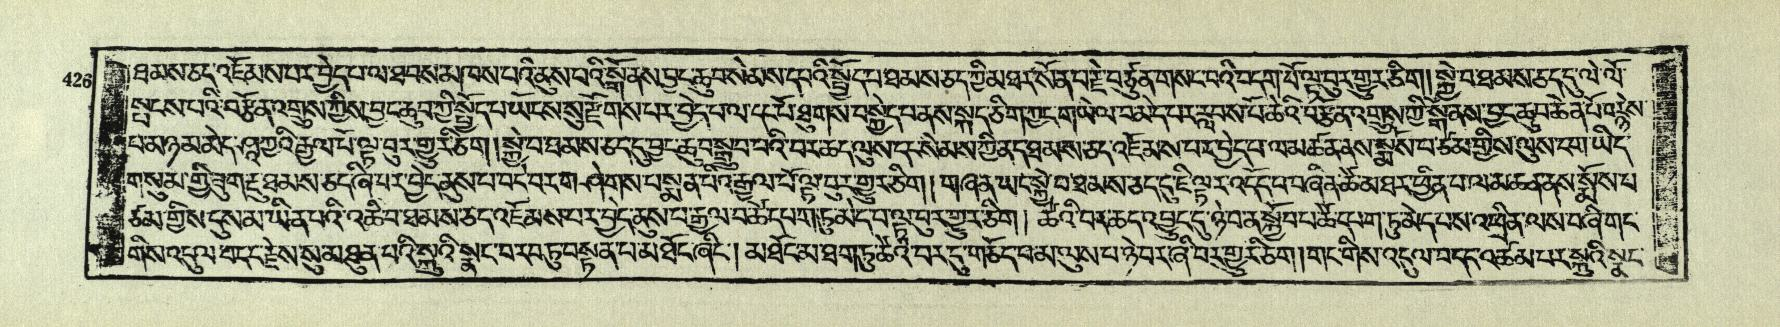ཐམས་ཅད་འཇོམས་པར་བྱེད་པ་ལ་ཐབས་མཁས་པའི་ནུས་པའི་སྒོ་ནས་བྱང་ཆུབ་སེམས་དཔའི་སྤྱོད་པ་ཐམས་ཅད་ཀྱི་མཐར་སོན་པ་རྗེ་བཙུན་གསང་བའི་བདག་པོ་ལྟ་བུར་གྱུར་ཅིག །སྐྱེ་བ་ཐམས་ཅད་དུ་ལེ་ལོ་
སྤངས་པའི་བརྩོན་འགྲུས་ཀྱིས་བྱང་ཆུབ་ཀྱི་སྤྱོད་པ་ཡོངས་སུ་རྫོགས་པར་བྱེད་པ་ལ་དང་པོ་ཐུགས་བསྐྱེད་པ་ནས་སྐད་ཅིག་ཀྱང་གཡེལ་བ་མེད་པར་རླབས་པོ་ཆེའི་བརྩོན་འགྲུས་ཀྱི་སྒོ་ནས་བྱང་ཆུབ་ཆེན་པོ་བརྙེས་
པ་མཉམ་མེད་ཤཱཀྱའི་རྒྱལ་པོ་ལྟ་བུར་གྱུར་ཅིག །སྐྱེ་བ་ཐམས་ཅད་དུ་བྱུང་ཆུབ་སྒྲུབ་པོ་ལྟ་བུར་གྱུར་ཅིག །གཞན་ཡང་སྐྱེ་བ་ཐམས་ཅད་དུ་ཇི་ལྟར་འདོད་པ་བཞིན་ཚེ་མཐར་ཕྱིན་པ་ལ་མཆན་ནས་སྨོས་པ་
གསུམ་གྱི་ཟུག་རྔུ་ཐམས་ཅད་ཞི་པར་བྱེད་ནུས་པ་བདེ་བར་གཤེགས་པ་སྨན་པའི་རྒྱལ་པོ་ལྟ་པུར་གྱུར་ཅིག །གཞན་ཡང་སྐྱེ་བ་ཐམས་ཅད་དུ་ཇི་ལྟར་འདོད་པ་བཞིན་ཚེ་མཐར་ཕྱིན་པ་ལ་མཆན་ནས་སྨོས་པ་
ཙམ་གྱིས་དུས་མ་ཡིན་པའི་འཆི་བ་ཐམས་ཅད་འཇོམས་པར་བྱེད་ནུས་པ་རྒྱལ་བ་ཚེ་དཔག་ཏུ་མེད་པ་ལྟ་པུར་གྱུར་ཅིག །ཚེའི་བར་ཆད་འབྱུང་དུ་ཉེ་བ་ན་སྐྱོབ་པ་ཚེ་དཔག་ཏུ་མེད་པས་འཕྲིན་ལས་བཞི་གང་
གིས་འདུལ་བ་དང་རྗེས་སུ་མཐུན་པའི་སྐུའི་སྣང་བ་རབ་ཏུ་བསྟན་པ་མཐོང་ཞིང་། མཐོང་མ་ཐག་ཏུ་ཚེའི་བར་དུ་གཅོད་བ་མ་ལུས་པ་ཉེ་བར་ཞི་བར་གྱུར་ཅིག །གང་གིས་འདུལ་བ་དང་འཚམ་པར་སྐུའི་སྣང་